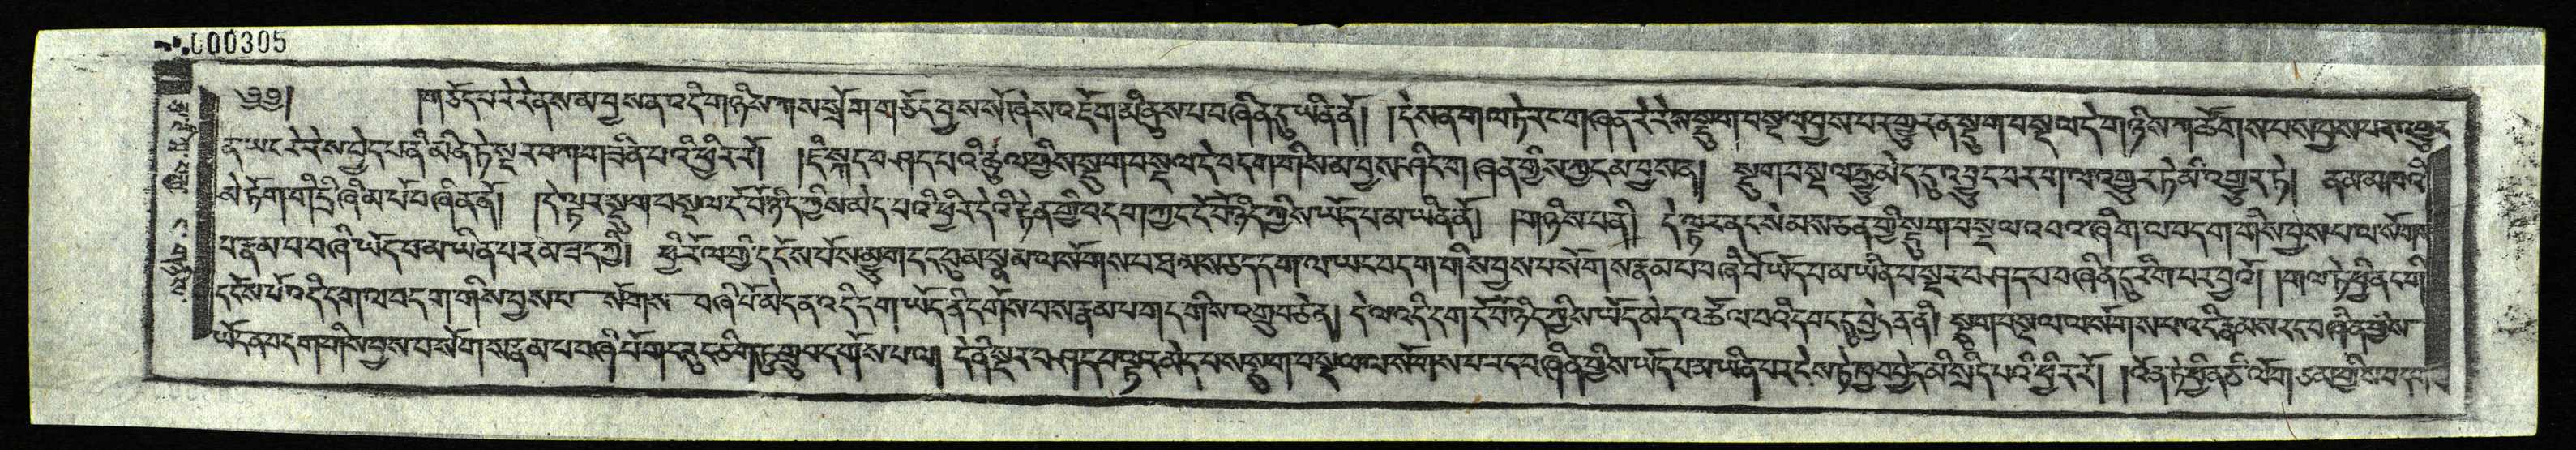༄༅། །གཅོད་པ་རེ་རེ་ནས་མ་བྱས་ན་འདི་གཉིས་ཀས་སྲོག་གཅོད་བྱས་སོ་ཞེས་འཇོག་མི་ནུས་པ་བཞིན་དུ་ཡིན་ནོ། །དེས་ན་གལ་ཏེ་རང་གཞན་རེ་རེས་སྡུག་བསྔལ་བྱས་པར་གྱུར་ན་སྡུག་བསྔལ་དེ་གཉིས་ཀ་ཚོགས་པས་བྱས་པར་འགྱུར་
ན་ཡང་རེ་རེས་བྱེད་པ་ནི་མིན་ཏེ་སྔར་བཀག་ཟིན་པའི་ཕྱིར་རོ། །ཇི་སྐད་བཤད་པའི་ཚུལ་གྱིས་སྡུག་བསྔལ་དེ་བདག་གིས་མ་བྱས་ཤིང་གཞན་གྱིས་ཀྱང་མ་བྱས་ན། སྡུག་བསྔལ་རྒྱུ་མེད་དུ་འབྱུང་བར་ག་ལ་འགྱུར་ཏེ་མི་འགྱུར་ཏེ། ནམ་མཁའི་
མེ་ཏོག་གི་དྲི་ཞིམ་པོ་བཞིན་ནོ། །དེ་ལྟར་སྡུག་བསྔལ་ངོ་བོ་ཉིད་ཀྱིས་མེད་པའི་ཕྱིར་དེའི་རྟེན་གྱི་བདག་ཀྱང་ངོ་བོ་ཉིད་ཀྱིས་ཡོད་པ་མ་ཡིན་ནོ། །གཉིས་པ་ནི། དེ་ལྟར་ནང་སེམས་ཅན་གྱི་སྡུག་བསྔལ་འབའ་ཞིག་ལ་བདག་གིས་བྱས་པ་ལ་སོགས་
པ་རྣམ་པ་བཞི་ཡོད་པ་མ་ཡིན་པར་མ་ཟད་ཀྱི། ཕྱི་རོལ་གྱི་དངོས་པོས་མྱུག་དང་བུམ་སྣམ་ལ་སོགས་པ་ཐམས་ཅད་དག་ལ་ཡང་བདག་གིས་བྱས་པ་སོགས་རྣམ་པ་བཞི་པོ་ཡོད་པ་མ་ཡིན་པ་སྔར་བཤད་པ་བཞིན་དུ་རིག་པར་བྱའོ། །གལ་ཏེ་ཕྱི་ནང་གི་
དངོས་པོ་འདི་དག་ལ་བདག་གིས་བྱས་པ་སོགས་བཞི་པོ་མེད་ན་འདི་དག་ཡོད་ནི་དགོས་པས་རྣམ་པ་གང་གིས་འགྲུབ་ཅེ་ན། དེ་ལ་འདི་དག་ངོ་བོ་ཉིད་ཀྱིས་ཡོད་མེད་འཚོལ་བའི་དབང་དུ་བྱེད་ན་ནི། སྡུག་བསྔལ་ལ་སོགས་པ་འདི་རྣམས་རང་བཞིན་གྱིས་
ཡོད་ན་བདག་གིས་བྱས་པ་སོགས་རྣམ་པ་བཞི་པོ་གང་རུང་ཅིག་ཏུ་གྲུབ་དགོས་པ་ལ། དེ་ནི་སྔར་བཤད་པ་ལྟར་མེད་པས་སྡུག་བསྔལ་ལ་སོགས་པ་རང་བཞིན་གྱིས་ཡོད་པ་མ་ཡིན་པར་ངེས་ཏེ་ཁྱབ་བྱེད་མི་སྲིད་པའི་ཕྱིར་རོ། །འོན་ཏེ་ཕྱིན་ཅི་ལོག་ཙམ་གྱིས་བདག་